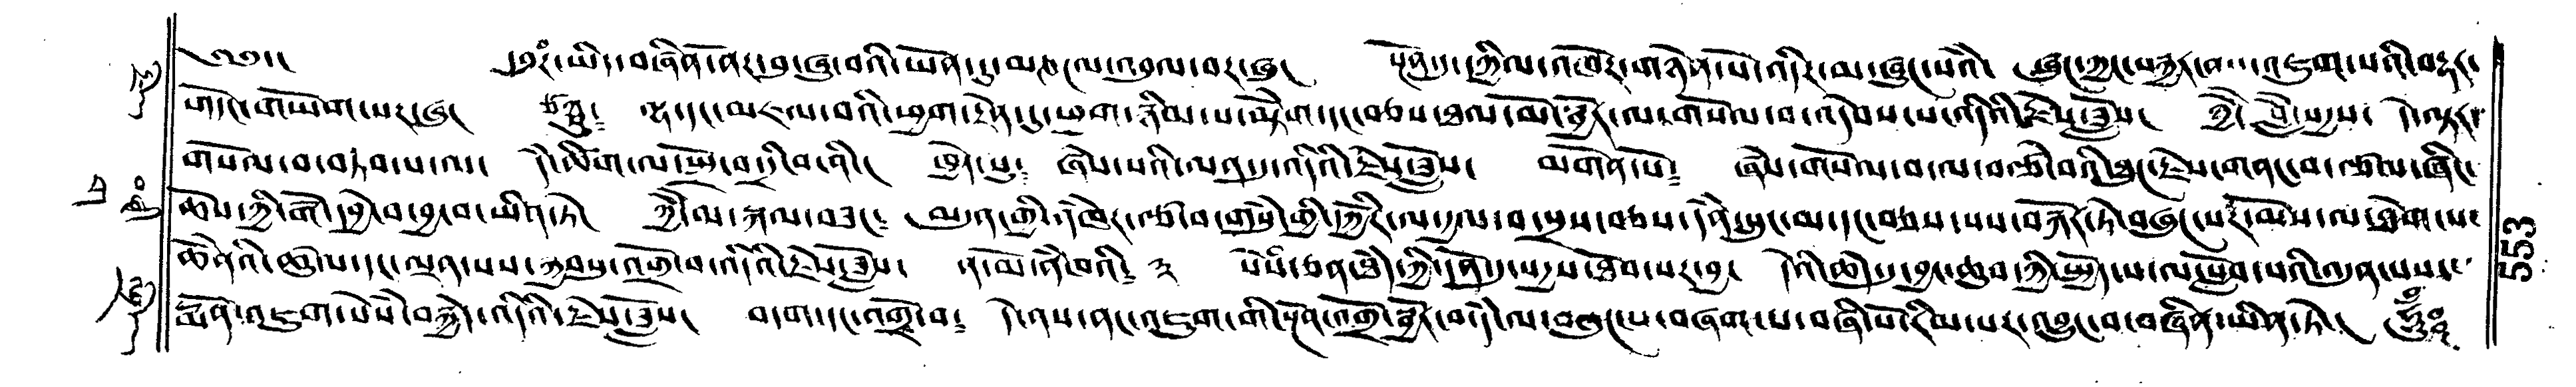དབང་བསྐུར་ཡིད་བཞིན་ནོར་བུ་ཞུ་བའི་ཡོན་དུ་མཎྜལ་འབུལ་བར་ཞུ། སྔོན་དུ་དཀྱིལ་འཁོར་གཉེན་པོ་འདིར་མ་ཞུགས་པའམ། ཞུགས་ཀྱང་བསྐྱར་བས་འཇུག་པའི་བརྡར་
གདོང་གཡོག་པར་ཞུ། ཙཀྵུ༴ ལྷ་དག་མཇལ་བའི་ཕྱག་རྟེན་དུ་ཕྱག་སྙིམ་པ་མེ་ཏོག་དང་བཅས་ཐལ་མོ་སྦྱར་ལ་གསོལ་བ་འདེབས་པ་འདིའི་རྗེས་ཟློས།ཀྱཻ། བླ་མ་སངས་རྒྱས༴ དེ་ལྟར་
གསོལ་བ་བཏབ་པ་ལ། དམ་ཆིག་ལ་སྤྲོ་བ་དྲི་བ་ནི། ཁྱེད་སུ༴ ཞེས་པའི་ལན་དུ་འདིའི་རྗེས་ཟློས། མགོན་པོ༴ ཞེས་གསོལ་བ་ལ་བརྩེ་བའི་ཐུགས་རྗེས་གནང་བ་སྩལ་ཞིང་
ཆོས་ཀྱི་སྒོ་དབྱེ་བར་བྱ་བ་ཡིན་ཏེ། ཀྱཻ་མ་སྐལ་བཟང༴ མདུན་གྱི་ནམ་མཁར་རྩ་བ་གསུམ་གྱི་དཀྱིལ་འཁོར་ལ་རྒྱལ་བ་སྲས་བཅས་དམ་ཅན་སྲུང་མ་དང་བཅས་པས་བསྐོར་ཏེ་བཞུགས་པར་མོས་ལ་ཐེག་པ་
ཆེན་པོའི་ཚུལ་དང་ལྡན་པས་སྐྱབས་སུ་འགྲོ་བ་འདིའི་རྗེས་ཟློས། ན་མོ། ནམ་མཁའི༴ སེམས་ཅན་ཐམས་ཅད་ཀྱི་དོན་དུ་སངས་རྒྱས་ཐོབ་པར་བྱ། དེའི་ཆེད་དུ་བྱང་ཆུབ་ཀྱི་སྤྱོད་པ་ལ་སློབ་པའི་འདུན་པས་
སྨོན་འཇུག་སེམས་བསྐྱེད་འདིའི་རྗེས་ཟློས། བདག་དང་འགྲོ་བ༴ དེ་ནས་ནང་འཇུག་གི་སྔོན་འགྲོ་སྦྱོར་བ་དམ་ལ་བཞུགས་པ་བཞག་པ་བཞི་པོ་རིམ་པར་འབྱུང་བ་བཞིན་ཡིན་ཏེ། ཧཱུྃཿ